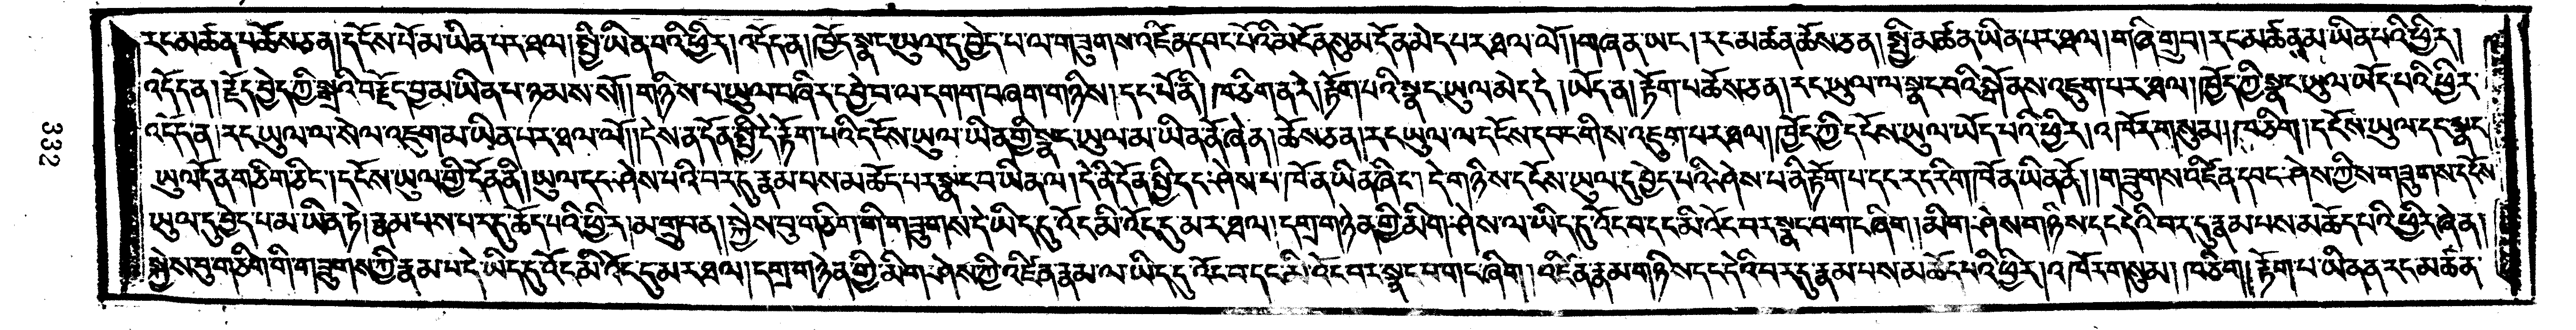རང་མཚན་པ་ཆོས་ཅན། དངོས་པོ་མ་ཡིན་པར་ཐལ། སྤྱི་ཡིན་པའི་ཕྱིར། འདོད་ན། ཁྱོད་སྣང་ཡུལ་དུ་བྱེད་པ་ལ་གཟུགས་འཛིན་དབང་པོའི་མངོན་སུམ་དོན་མེད་པར་ཐལ་ལོ། །གཞན་ཡང་། རང་མཚན་ཆོས་ཅན། སྤྱི་མཚན་ཡིན་པར་ཐལ། གཞི་གྲུབ། རང་མཚན་མ་ཡིན་པའི་ཕྱིར།
འདོད་ན། རྗོད་བྱེད་ཀྱི་སྒྲའི་བརྗོད་བྱ་མ་ཡིན་པ་ཉམས་སོ། །གཉིས་པ་ཡུལ་བཞིར་དབྱེ་བ་ལ་དགག་བཞག་གཉིས། དང་པོ་ནི། ཁ་ཅིག་ན་རེ། རྟོག་པའི་སྣང་ཡུལ་མེད་དེ། ཡོད་ན། རྟོག་པ་ཆོས་ཅན། རང་ཡུལ་ལ་སྣང་བའི་སྒོ་ནས་འཇུག་པར་ཐལ། ཁྱོད་ཀྱི་སྣང་ཡུལ་ཡོད་པའི་ཕྱིར།
འདོད་ན། རང་ཡུལ་ལ་སེལ་འཇུག་མ་ཡིན་པར་ཐལ་ལོ། །དེས་ན་དོན་སྤྱི་དེ་རྟོག་པའི་དངོས་ཡུལ་ཡིན་གྱི་སྣང་ཡུལ་མ་ཡིན་ནོ་ཞེ་ན། ཆོས་ཅན། རང་ཡུལ་ལ་དངོས་དབང་གིས་འཇུག་པར་ཐལ། ཁྱོད་ཀྱི་དངོས་ཡུལ་ཡོད་པའི་ཕྱིར། འཁོར་གསུམ། ཁ་ཅིག །དངོས་ཡུལ་དང་སྣང་
ཡུལ་དོན་གཅིག་ཅིང་། དངོས་ཡུལ་གྱི་དོན་ནི། ཡུལ་དང་ཤེས་པའི་བར་དུ་རྣམ་པས་མ་ཆོད་པར་སྣང་བ་ཡིན་ལ། དེ་ནི་དོན་སྤྱི་དང་ཤེས་པ་ཁོ་ན་ཡིན་ཞིང་། དེ་གཉིས་དངོས་ཡུལ་དུ་བྱེད་པའི་ཤེས་པ་ནི་རྟོག་པ་དང་རང་རིག་ཁོ་ན་ཡིན་ནོ། །གཟུགས་འཛིན་དབང་ཤེས་ཀྱིས་གཟུགས་དངོས་
ཡུལ་དུ་བྱེད་པ་མ་ཡིན་ཏེ། རྣམ་པས་བར་དུ་ཆོད་པའི་ཕྱིར། མ་གྲུབ་ན། སྐྱེས་བུ་གཅིག་གི་གཟུགས་དེ་ཡིད་དུ་འོང་མི་འོང་དུ་མར་ཐལ། དགྲ་གཉེན་གྱི་མིག་ཤེས་ལ་ཡིད་དུ་འོང་བ་དང་མི་འོང་བར་སྣང་བ་གང་ཞིག །མིག་ཤེས་གཉིས་དང་དེའི་བར་དུ་རྣམ་པས་མ་ཆོད་པའི་ཕྱིར་ཞེ་ན།
སྐྱེས་བུ་གཅིག་གི་གཟུགས་ཀྱི་རྣམ་པ་དེ་ཡིད་དུ་འོང་མི་འོང་དུ་མར་ཐལ། དགྲ་གཉེན་གྱི་མིག་ཤེས་ཀྱི་འཛིན་རྣམ་ལ་ཡིད་དུ་འོང་བ་དང་མི་འོང་བར་སྣང་བ་གང་ཞིག །འཛིན་རྣམ་གཉིས་དང་དེའི་བར་དུ་རྣམ་པས་མ་ཆོད་པའི་ཕྱིར། འཁོར་གསུམ། ཁ་ཅིག །རྟོག་པ་ཡིན་ན་རང་མཚན་